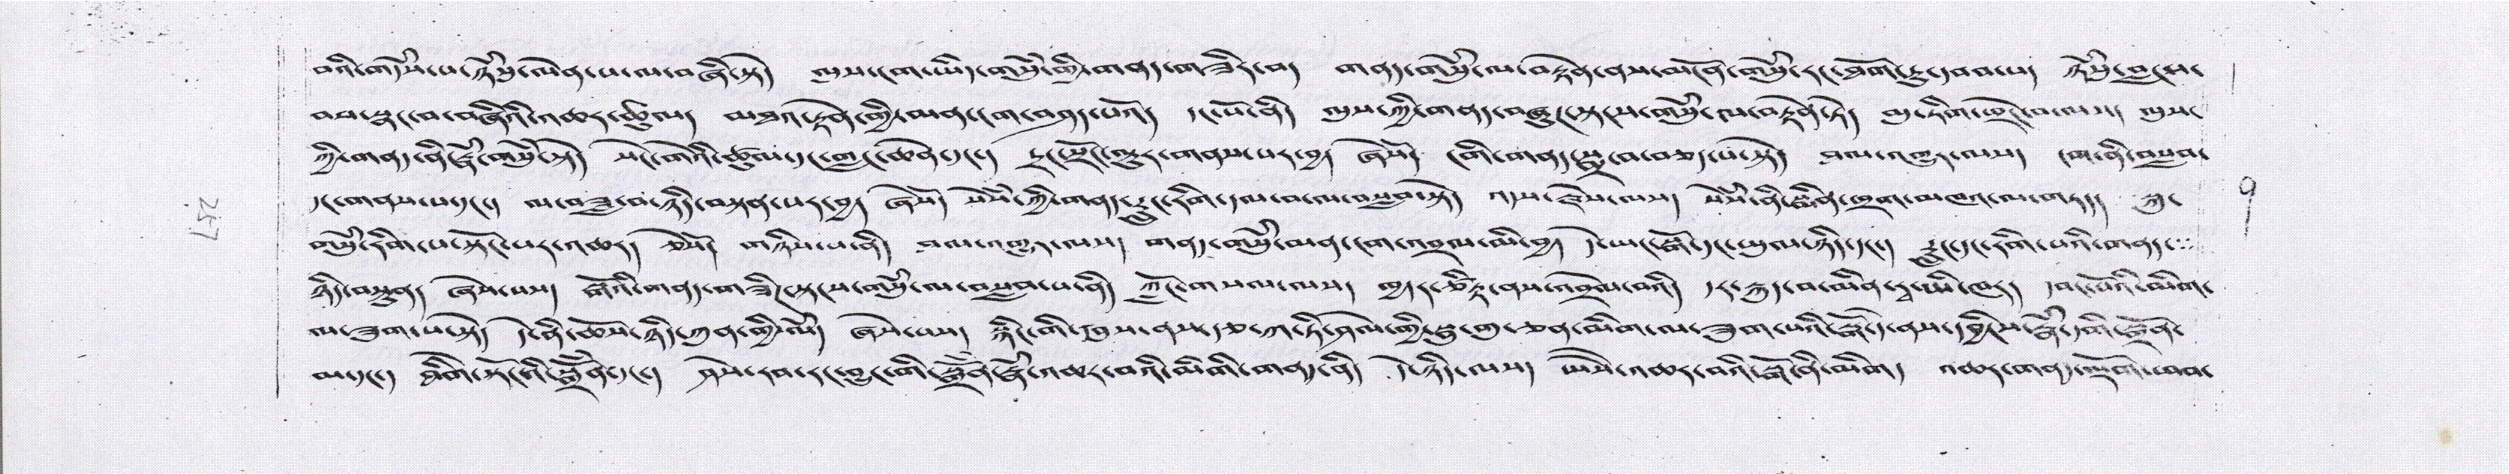བའི་གདམས་པ་ཉམས་སུ་ལེན་པ་ལ་བཞི་སྟེ། ལུས་ངག་ཡིད་གསུམ་གྱི་གནད་གཟིར་བ། གནད་གསུམ་ལ་བརྟེན་ནས་མངོན་གསུམ་རང་ཐོག་ཏུ་དབབ་པ། ཉམས་སུ་བླངས་
བས་སྣང་བ་བཞིའི་འཆར་ཚུལ། མཐའ་རྟེན་གྱི་མན་ངག་བཤད་པའོ། དང་པོ་ནི། ལུས་ཀྱི་གནད་བཞུགས་སྟངས་གསུམ་ལ་བརྟེན་ཏེ། མུ་ཏིག་ཕྲེང་བ་ལས། ལུས་
ཀྱི་གནད་ནི་རྣམ་གསུམ་སྟེ། སེང་གེའི་ཚུལ་དང་གླང་ཆེན་དང། དྲང་སྲོང་ལྟ་བུར་གནས་པར་བྱ། ཞེས་སོ། ངག་གི་གནད་སྨྲ་བ་བཅད་པ་སྟེ། ཐལ་འགྱུར་ལས། ངག་ནི་བསླབ་
དང་གནས་པ་དང། ལ་བཟླ་བ་ཉིད་བསྟན་པར་བྱ། ཞེས་སོ། སེམས་ཀྱི་གནད་རླུང་རིག་དལ་བ་ལ་བསླབ་སྟེ། འདས་རྗེས་ལས། སེམས་ནི་སྨིན་ཁྲག་མཁའ་ལ་གཏད། སྐུ་
གསུམ་རིག་པ་སྟོང་པར་འཆར། ཅེས་སོ། གཉིས་པ་ནི། ཐལ་འགྱུར་ལས། གནད་གསུམ་མན་ངག་འབྲལ་མི་བྱ། དེ་ཡང་སྒོ་དང་ཡུལ་ཉིད་དང། རླུང་དང་རིག་པའི་གནད་
ཉིད་བསྟུན། ཞེས་པས། སྒོའི་གནད་གཟིགས་སྟངས་གསུམ་ལ་བསླབ་པ་ནི། ཀློང་གསལ་ལས། ཁྱད་པར་ཙིཏྟ་ནས་འབྲེལ་བའི། དར་སྐུད་བ་མིན་རྭ་ཡི་ཁར། དབང་པོའི་མིག་
ལ་ལ་ཟུག་པ་སྟེ། དེ་ནི་ཆོས་ཉིད་ཀུན་གྱི་ལམ། ཞེས་པས། སྙིང་གི་དབུས་ནས་རྩ་ཀ་ཏི་ཤེལ་གྱི་སྦུ་གུ་ཅན་མིག་ལ་ཟུག་པའི་སྒོ་དེ་ནས་དབྱིངས་རྣམ་དག་གི་སྒྲོན་མ་དང། ཐིག་ལེན་སྟོང་པའི་སྒྲོན་
མ་དང། ཤེས་རབ་རང་བྱུང་གི་སྒྲོན་མ་རྣམ་འཆར་བའི་མིག་གི་གནད་ནི། དེ་ཉིད་ལས། ཡེ་ཤེས་འཆར་བའི་སྒོ་ནི་མིག འཆར་གནས་ལྡོག་ཕབ་